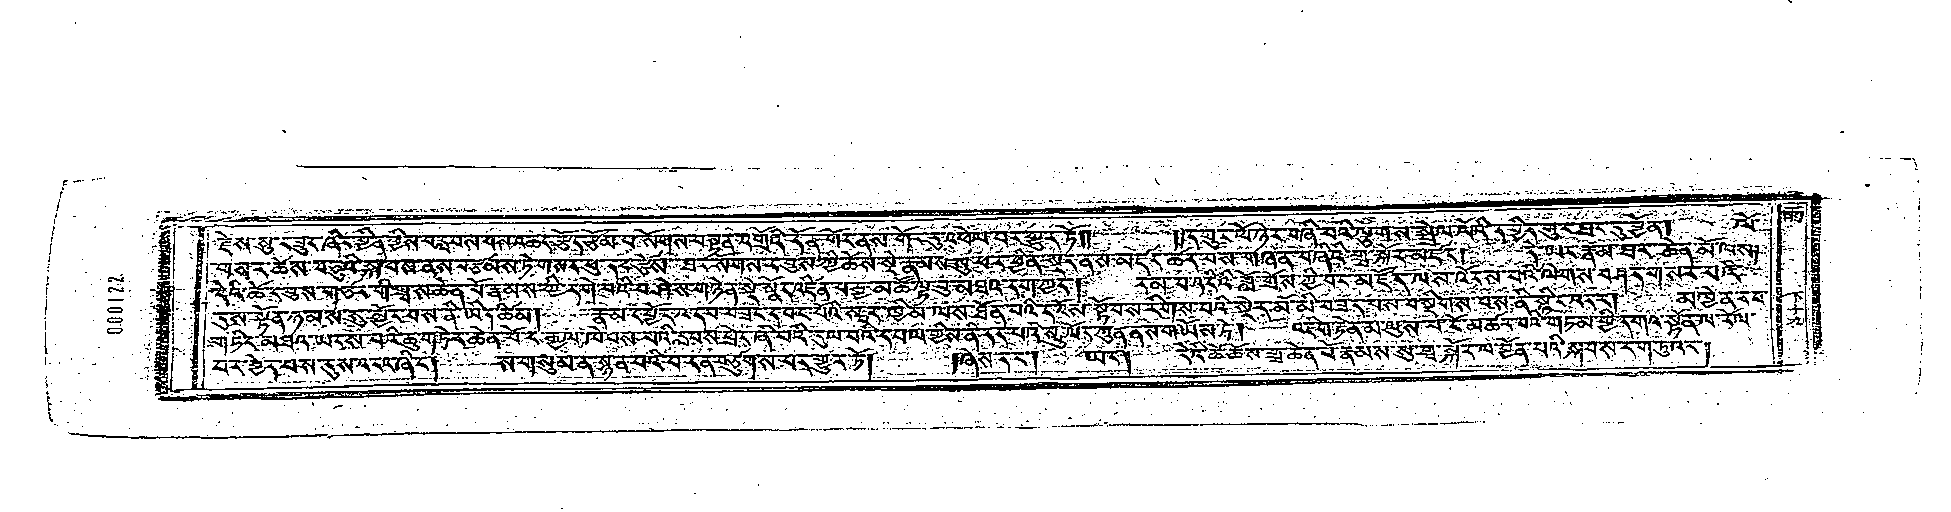རྗེས་སུ་བཟུང་ཞིང་བྱིན་གྱིས་བརླབས་པས་འཆད་རྩོད་རྩོམ་པ་སོགས་བསྟན་འགྲོའི་དོན་གོང་ནས་གོང་དུ་འཕེལ་བར་གྱུར་ཏོ།། །།དགུང་ལོ་ཉེར་བཞི་བའི་ལྕགས་སྦྲེལ་ལོའི་དབྱིར་གུང་ཐང་དུ་བྱོན། །ལོ་
གསར་ཆོས་བཅུའི་སྐབས་ནས་བརྩམས་ཏེ་གསང་ཕུ་དང་རྩེས་ཐང་སོགས་དབུས་ཀྱི་ཆོས་སྡེ་རྣམས་སུ་ཕར་ཕྱིན་སྔར་ནས་མཛད་ཚར་བས་གཞན་བཞིའི་གྲྭ་སྐོར་མཛད། དེ་ཡང་རྣམ་ཐར་ཆེན་མོ་ལས།
དེའི་ཚེ་དབུས་གཙང་གི་གྲྭ་ས་ཆེན་པོ་རྣམས་ཀྱི་དགེ་བའི་བཤེས་གཉེན་སྡེ་སྣོད་འཛིན་པ་རྒྱ་མཚོ་ལྟ་བུ་མཐའ་དག་ཀྱང་། དམ་པ་འདིའི་བློ་གྲོས་ཀྱི་བང་མཛོད་ལས་འོངས་པའི་ལེགས་བཤད་གསར་པའི་
དུས་སྟོན་ཉམས་སུ་མྱོང་བས་ནི་ཡིད་ཚིམ། རྣམ་དཔྱོད་འདབ་བཟང་དབང་པོའི་སྤར་ཁྱིམ་ལས་ཐོན་པའི་དངོས་སྟོབས་རིགས་པའི་སྡེར་མོ་མི་བཟང་པས་བསྡིགས་པས་ནི་སྙིང་འདར། མཁྱེན་རབ་
གཏིང་མཐའ་ཡངས་པའི་ཆུ་གཏེར་ཆེན་པོ་ང་རྒྱལ་ཁེབས་པའི་རླབས་ཕྲེང་ཞི་བའི་དུལ་བའི་དཔལ་གྱིས་ནི་དད་པའི་སྤུ་ལོང་ཀུན་ནས་གཡོས་ཏེ། འཇིག་རྟེན་མ་ལུས་པ་ངོ་མཚར་བའི་གཏམ་གྱི་དགའ་སྟོན་ལ་རོལ་
བར་བྱེད་བས་དུས་འདའ་ཞིང་། ས་གསུམ་ན་སྙན་བའི་བ་ངན་བཙུགས་པར་གྱུར་ཏོ། །ཞེས་དང་། ཡང་། དེའི་ཚེ་ཆོས་གྲྭ་ཆེན་པོ་རྣམས་སུ་གྲྭ་སྐོར་ལ་བྱོན་པའི་སྐབས་དག་ཏུའང་།